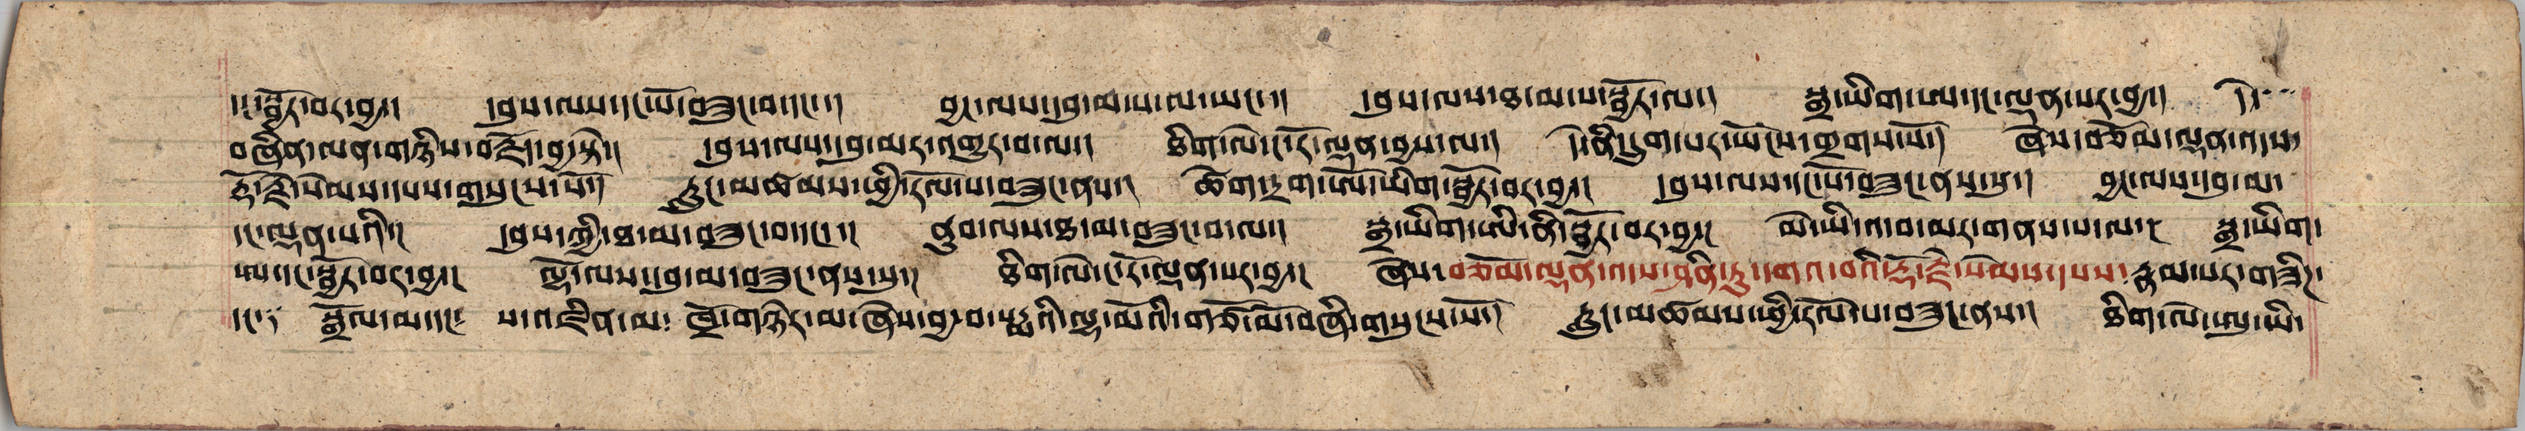དང་སྦྱོར་བར་བྱ་། དབུས་ལས་དང་པོ་བཟུང་བ་དང་་། བྱང་ལས་དབུ་མ་པ་ལ་ཡང་་། དབུས་ལས་ཐ་མ་པ་སྦྱོར་བ་། སྒྲ་ཡིག་ཨ་དང་ལྡན་པར་བྱ་། དེ་་་
བཞིན་ལན་གཉིས་བརྗོད་བྱ་སྟེ་། དབུས་ལས་དབུ་མར་འགྱུར་བ་ལ་། ཐིག་ལེ་ང་རོ་ལྡན་བྱས་ལ་། དེ་ནི་དྲུག་པར་ཡོངས་གྲགས་སོ་། ཞེས་བཅོམ་ལྡན་འདས་
རྡོ་རྗེ་སེམས་དཔས་གསུངས་སོ་། རླུང་མཚམས་ཕྱི་རོལ་པ་བཟུང་ནས་། ཚེག་དྲག་ཨོ་ཡིག་སྦྱོར་བར་བྱ་། དབུས་ལས་དང་པོ་བཟུང་ནས་སུ་། བྱང་ལས་དབུ་མ་
དང་ལྡན་པའི་། དབུས་ཀྱི་ཐ་མ་བཟུང་བ་དང་་། ནུབ་ལས་ཐ་མ་བཟུང་བ་ལ་། སྒྲ་ཡིག་ཨི་ནི་སྦྱོར་བར་བྱ་། མེ་ཡི་འདབ་མར་གནས་པ་ལ་། སྒྲ་ཡིག་
ཨ་དང་སྦྱོར་བར་བྱ་། ལྷོ་ལས་དབུ་མ་བཟུང་ནས་སུ་། ཐིག་ལེ་ང་རོ་ལྡན་པར་བྱ་། ཞེས་བཅོམ་ལྡན་འདས་ཤིན་ཏུ་དགའ་བའི་རྡོ་རྗེ་སེམས་དཔས་རྣམ་པར་གཟིཌ་
དང་༑ སྒྲོལ་མ་དང༴ ས་འཛིན་མ༴ ཁྲོ་གཉེར་མ་ཞེས་བྱ་བ་པདྨའི་ལྷ་མོའི་གཙོ་མོ་བཞི་གསུངས་སོ་། རླུང་མཚམས་ཕྱི་རོལ་པ་བཟུང་ནས་། ཐིག་ལེ་ཨུ་ཡི་